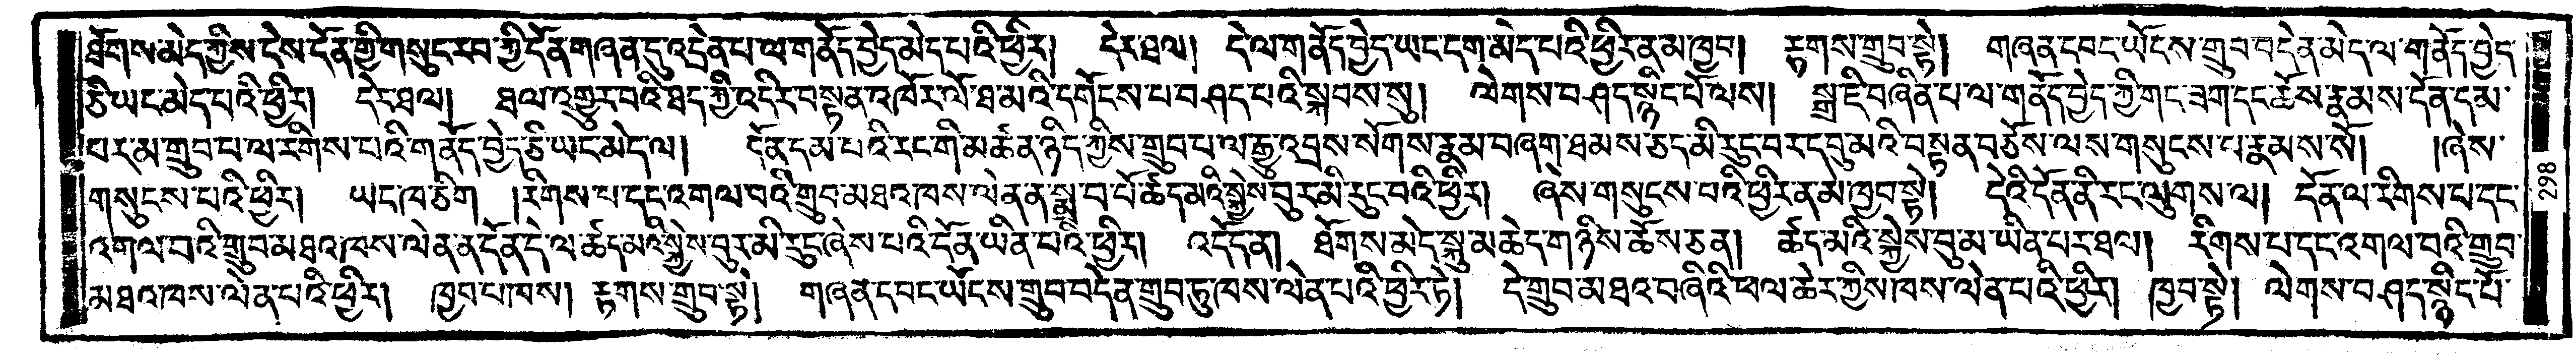ཐོགས་མེད་ཀྱིས་ངེས་དོན་གྱི་གསུང་རབ་ཀྱི་དོན་གཞན་དུ་འདྲེན་པ་ལ་གནོད་བྱེད་མེད་པའི་ཕྱིར། དེར་ཐལ། དེ་ལ་གནོད་བྱེད་ཡང་དག་མེད་པའི་ཕྱིར་ན་མ་ཁྱབ། རྟགས་གྲུབ་སྟེ། གཞན་དབང་ཡོངས་གྲུབ་བདེན་མེད་ལ་གནོད་བྱེད་
ཅི་ཡང་མེད་པའི་ཕྱིར། དེར་ཐལ། ཐལ་འགྱུར་བའི་ཐད་ཀྱི་འདིར་བསྟན་འཁོར་ལོ་ཐ་མའི་དགོངས་པ་བཤད་པའི་སྐབས་སུ། ལེགས་བཤད་སྙིང་པོ་ལས། སྒྲ་ཇི་བཞིན་པ་ལ་གནོད་བྱེད་ཀྱི་གང་ཟག་དང་ཆོས་རྣམས་དོན་དམ་
པར་མ་གྲུབ་པ་ལ་རིགས་པའི་གནོད་བྱེད་ཅི་ཡང་མེད་ལ། དོན་དམ་པའི་རང་གི་མཚན་ཉིད་ཀྱིས་གྲུབ་པ་ལ་རྒྱུ་འབྲས་སོགས་རྣམ་བཞག་ཐམས་ཅད་མི་རུང་བར་དབུ་མའི་བསྟན་བཅོས་ལས་གསུངས་པ་རྣམས་སོ། །ཞེས་
གསུངས་པའི་ཕྱིར། ཡང་ཁ་ཅིག །རིགས་པ་དང་འགལ་བའི་གྲུབ་མཐའ་ཁས་ལེན་ན་སྨྲ་བ་པོ་ཚད་མའི་སྐྱེས་བུར་མི་རུང་བའི་ཕྱིར། ཞེས་གསུངས་པའི་ཕྱིར་ན་མ་ཁྱབ་སྟེ། དེའི་དོན་ནི་རང་ལུགས་ལ། དོན་ལ་རིགས་པ་དང་
འགལ་བའི་གྲུབ་མཐའ་ཁས་ལེན་ན་དོན་དེ་ལ་ཚད་མའི་སྐྱེས་བུར་མི་རུང་ཞེས་པའི་དོན་ཡིན་པའི་ཕྱིར། འདོད་ན། ཐོགས་མེད་སྐུ་མཆེད་གཉིས་ཆོས་ཅན། ཚད་མའི་སྐྱེས་བུ་མ་ཡིན་པར་ཐལ། རིགས་པ་དང་འགལ་བའི་གྲུབ་
མཐའ་ཁས་ལེན་པའི་ཕྱིར། ཁྱབ་པ་ཁས། རྟགས་གྲུབ་སྟེ། གཞན་དབང་ཡོངས་གྲུབ་བདེན་གྲུབ་ཏུ་ཁས་ལེན་པའི་ཕྱིར་ཏེ། དེ་གྲུབ་མཐའ་བཞིའི་ཕལ་ཆེར་ཀྱིས་ཁས་ལེན་པའི་ཕྱིར། ཁྱབ་སྟེ། ལེགས་བཤད་སྙིང་པོ་